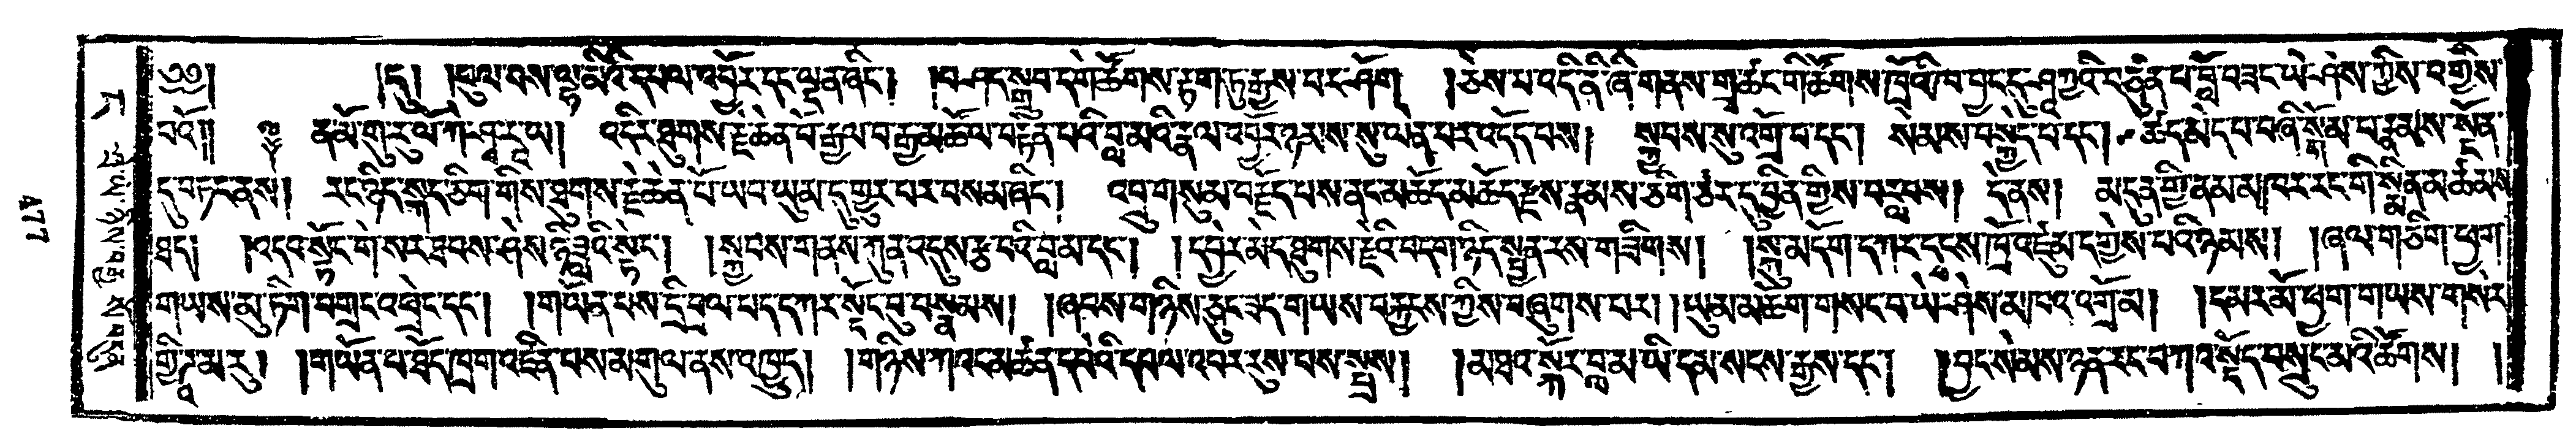༄༅། །དུ། །བུལ་བས་ལྷ་མིའི་དཔལ་འབྱོར་དང་ལྡན་ཞིང་། །བཤད་སྒྲུབ་དགེ་ཚོགས་རྟག་ཏུ་རྒྱས་པར་ཤོག །ཅེས་པ་འདི་ནི་ཞི་གནས་གྲྭ་ཚང་གི་ཚོགས་ཁྲོའི་ཁ་བྱང་དུ་ཤཱཀྱའི་བཙུན་པ་བློ་བཟང་ཡེ་ཤེས་ཀྱིས་བགྱིས་
པའོ།། ༈ ན་མོ་གུ་རུ་ལོ་ཀེ་ཤྭ་རཱ་ཡ། འདིར་ཐུགས་རྗེ་ཆེན་པོ་རྒྱལ་བ་རྒྱ་མཚོ་ལ་བརྟེན་པའི་བླ་མའི་རྣལ་འབྱོར་ཉམས་སུ་ལེན་པར་འདོད་པས། སྐྱབས་སུ་འགྲོ་བ་དང་། སེམས་བསྐྱེད་པ་དང་། ཚད་མེད་པ་བཞི་སྒོམ་པ་རྣམས་སྔོན་
དུ་བཏང་ནས། རང་ཉིད་སྐད་ཅིག་གིས་ཐུགས་རྗེ་ཆེན་པོ་ཡབ་ཡུམ་དུ་གྱུར་པར་བསམ་ཞིང་། འབྲུ་གསུམ་བརྗོད་པས་ནང་མཆོད་མཆོད་རྫས་རྣམས་ཅིག་ཙར་དུ་བྱིན་གྱིས་བརླབས། དེ་ནས། མདུན་གྱི་ནམ་མཁར་རང་གི་སྨིན་མཚམས་
ཐད། །འདབ་སྟོང་གེ་སར་ཐབས་ཤེས་ཉི་ཟླའི་སྟེང་། །སྐྱབས་གནས་ཀུན་འདུས་རྩ་བའི་བླ་མ་དང་། །དབྱེར་མེད་ཐུགས་རྗེའི་བདག་ཉིད་སྤྱན་རས་གཟིགས། །སྐུ་མདོག་དཀར་དྭངས་ཁྲོ་འཛུམ་དགྱེས་པའི་ཉམས། །ཞལ་གཅིག་ཕྱག་
གཡས་མུ་ཏིག་བགྲང་འཕྲེང་དང་། །གཡོན་པས་དྲི་བྲལ་པད་དཀར་སྡོང་བུ་བསྣམས། །ཞབས་གཉིས་ཅུང་ཟད་གཡས་བརྐྱངས་ཀྱིས་བཞུགས་པར། །ཡུམ་མཆོག་གསང་བ་ཡེ་ཤེས་མཁའ་འགྲོ་མ། །དམར་མོ་ཕྱག་གཡས་གསེར་
གྱི་ཌཱ་མ་རུ། །གཡོན་པ་ཐོད་ཁྲག་འཛིན་པས་མགུལ་ནས་འཁྱུད། །གཉིས་ཀའང་མཚན་དཔེའི་དཔལ་འབར་རུས་པས་སྤྲས། །མཐའ་སྐོར་བླ་མ་ཡི་དམ་སངས་རྒྱས་དང་། །བྱང་སེམས་ཉན་རང་བཀའ་སྡོད་བསྲུང་མའི་ཚོགས། །